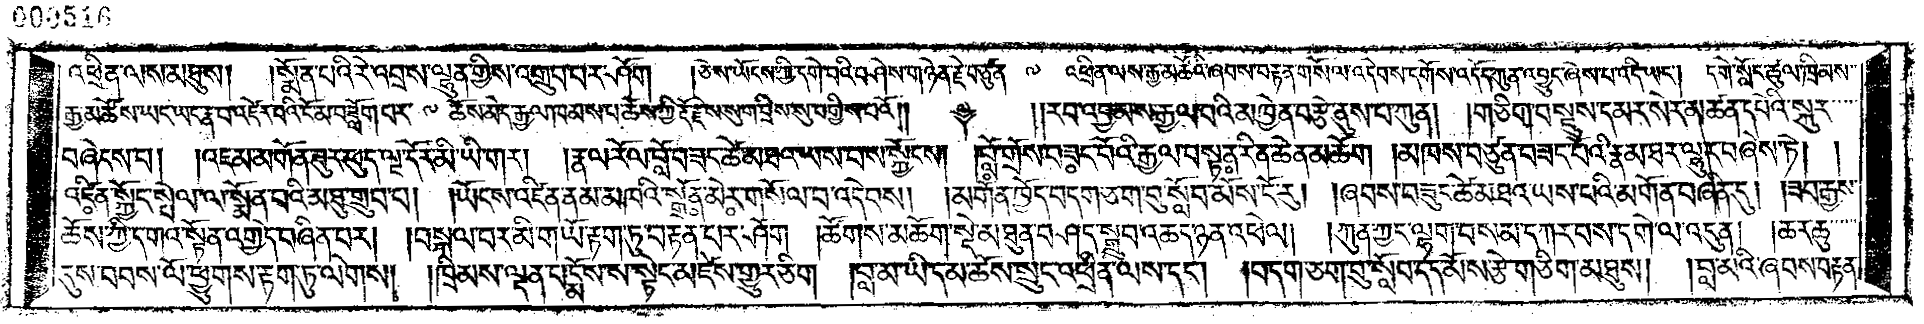འཕྲིན་ལས་མཐུས། །སྨོན་པའི་རེ་འབྲས་ལྷུན་གྱིས་འགྲུབ་པར་ཤོག །ཅེས་ཡོངས་ཀྱི་དགེ་བའི་བཤེས་གཉེན་རྗེ་བཙུན་༧་འཕྲིན་ལས་རྒྱ་མཚོའི་ཞབས་བརྟན་གསོལ་འདེབས་དགོས་འདོད་ཀུན་འབྱུང་ཞེས་པ་འདི་ཡང་། དགེ་སློང་ཚུལ་ཁྲིམས་
རྒྱ་མཚོས་ཡང་ཡང་རྣ་བ་འཛེར་བའི་ངོ་མ་བཟློག་པར་༧་ཆོས་མེད་རྒྱལ་ཁམས་པ་ཆོས་ཀྱི་རྡོ་རྗེས་སུག་བྲིས་སུ་བགྱིས་པའོ།། ༈ །།རབ་འབྱམས་རྒྱལ་བའི་མཁྱེན་བརྩེ་ནུས་པ་ཀུན། །གཅིག་བསྡུས་དམར་སེར་མཚོན་དཔེའི་སྐུར་
བཞེངས་པ། །འཇམ་མགོན་ཟུར་ཕུད་ལྔ་དོར་མི་ཡི་གར། །རྣལ་རོལ་བློ་བཟང་ཚེ་མཐའ་ཡས་པས་སྐྱོངས། །བློ྾་གྲོས་བཟང྾་པོའི་རྒྱལ་བསྟན྾་རིན་ཆེན་མཆོག །མཁས་བཙུན་བཟང་པོའི་རྣམ་ཐར་ལྷུར་བཞེས་ཏེ། །
འཛིན྾་སྐྱོང་སྤེལ་ལ་སྨོན་པའི་མཐུ་གྲུབ་པ། །ཡོངས་འཛིན་ནམ་མཁའི་སྒྲོན྾་མེར྾་གསོལ་བ་འདེབས། །མགོན་ཁྱོད་བདག་ཅག་བུ་སློབ་མོས་ངོ་རུ། །ཞབས་བཟུང་ཚེ་མཐའ་ཡས་པའི་མགོན་བཞིན་དུ། །ཟབ་རྒྱས་
ཆོས་ཀྱི་དགའ་སྟོན་འགྱེད་བཞིན་པར། །བསྐལ་བར་མི་གཡོ་རྟག་ཏུ་བརྟན་པར་ཤོག །ཚོགས་མཆོག་སྡེ་མཐུན་བཤད་སྒྲུབ་འཆད་ཉན་འཕེལ། །ཀུན་ཀྱང་ལྷག་བསམ་དཀར་བས་དགེ་ལ་འདུན། །ཆར་ཆུ་
དུས་བབས་ལོ་ཕྱུགས་རྟག་ཏུ་ལེགས། །ཁྲིམས་ལྡན་པདམོས་ས་སྟེང་མཛེས་གྱུར་ཅིག །བླ་མ་ཡི་དམ་ཆོས་སྲུང་འཕྲིན་ལས་དང་། །བདག་ཅག་བུ་སློབ་དད་མོས་རྩེ་གཅིག་མཐུས། །བླ་མའི་ཞབས་བརྟན་